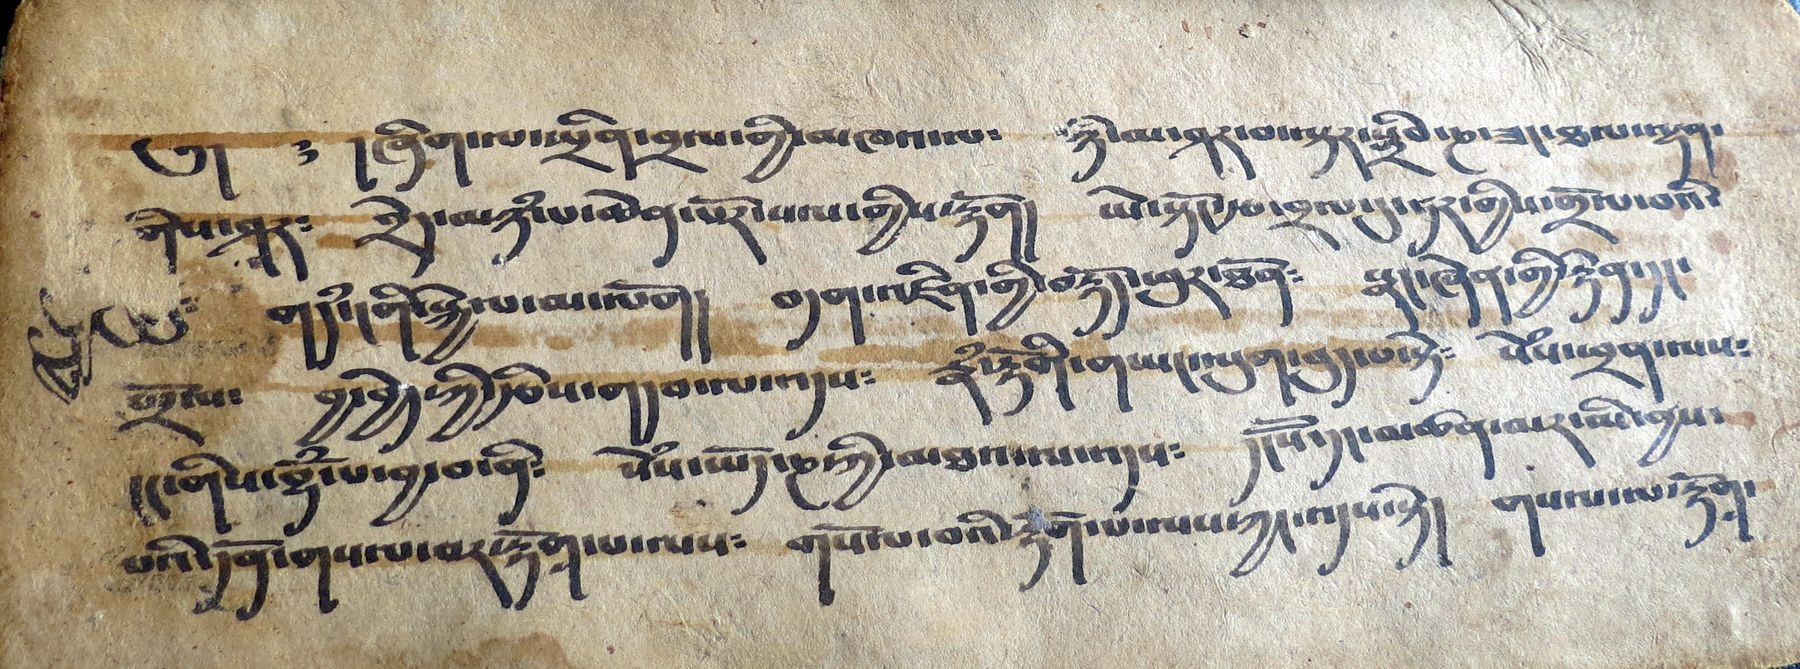ཞིག་ལ་སྤྲིན་བྲལ་གྱི་མཁའ་ལ། ཉི་མ་ཤར་བ་ལྟར་སྒྲིབ་མེད་ཟང་ཐལ་དུ་ལྷག་
གིས་ཤར། གཉིས་མེད་མཉམ་པ་ཆེན་པོར་སལ་གྱིས་རྟོགས། ཡེ་སྟོང་རྩ་བྲལ་དུ་ཧར་གྱིས་གྲོལ་བའི་
དུས་སུ། གདམས་ངག་གི་སྐྱེལ་མ་ལོག བདག་འཛིན་གྱི་རྟོད་ཕུར་ཐོན། སྣང་ཞེན་གྱི་རྟེན་དང་
བྲལ། བྱ་བྱེད་ཀྱི་རྩིས་གདབ་ལས་འདས། རྣམ་རྟོག་གི་གཡང་ལུགས་བུད་པ་སྟེ། སེམས་ཕྲན་ལས། 
ངང་ལ་ངང་གིས་སྒོམ་པ་བྱ་བ་ནི། སེམས་ཡོད་མེད་ཀྱི་མཐའ་ལས་འདས། དངོས་པོ་དང་མཚན་མར་མི་གནས་
པའི་དོན་གསལ་བར་རྟོགས་པ་ལས། གསལ་ལོ་བའི་རྟོག་པ་ལས་ཀྱང་འདས་ཏེ། གསལ་ལ་རྟོག་